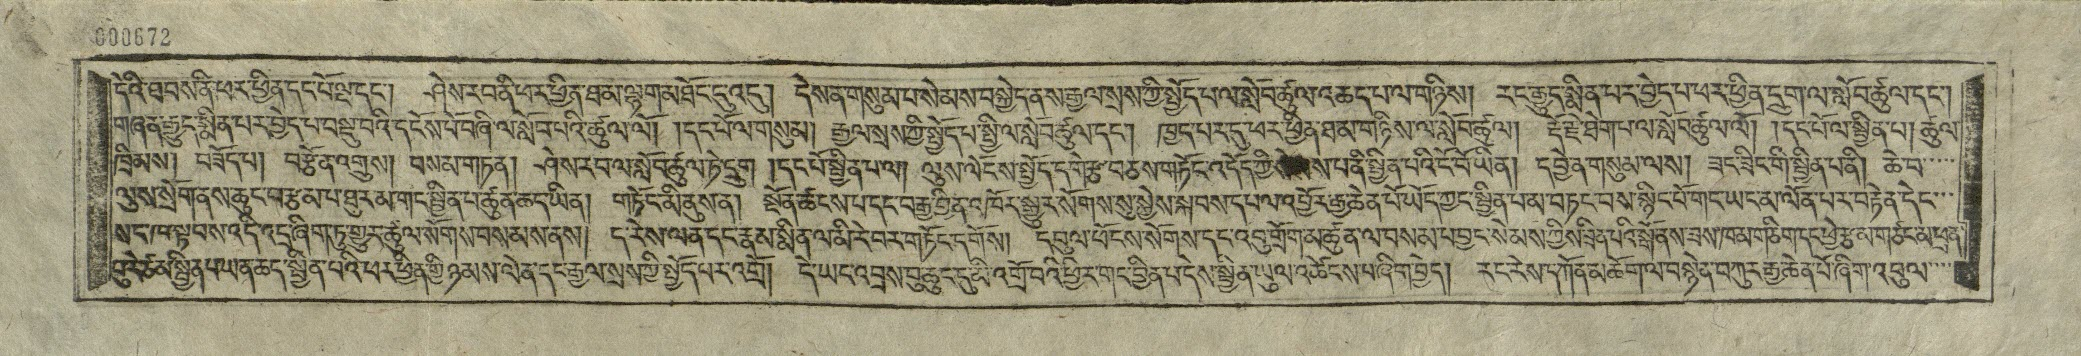དེའི་ཐབས་ནི་ཕར་ཕྱིན་དང་པོ་ལྔ་དང་། ཤེས་རབ་ནི་ཕར་ཕྱིན་ཐ་མ་ལྷག་མཐོང་དུ་འདུ། དེས་ན་གསུམ་པ་སེམས་བསྐྱེད་ནས་རྒྱལ་སྲས་ཀྱི་སྤྱོད་པ་ལ་སློབ་ཚུལ་འཆད་པ་ལ་གཉིས། རང་རྒྱུད་སྨིན་པར་བྱེད་པ་ཕར་ཕྱིན་དྲུག་ལ་སློབ་ཚུལ་དང་།
གཞན་རྒྱུད་སྨིན་པར་བྱེད་པ་བསྡུ་བའི་དངོས་པོ་བཞི་ལ་སློབ་པའི་ཚུལ་ལོ། །དང་པོ་ལ་གསུམ། རྒྱལ་སྲས་ཀྱི་སྤྱོད་པ་སྤྱི་ལ་སློབ་ཚུལ་དང་། ཁྱད་པར་དུ་ཕར་ཕྱིན་ཐ་མ་གཉིས་ལ་སློབ་ཚུལ། རྡོ་རྗེ་ཐེག་པ་ལ་སློབ་ཚུལ་ལོ། །དང་པོ་ལ་སྦྱིན་པ། ཚུལ་
ཁྲིམས། བཟོད་པ། བརྩོན་འགྲུས། བསམ་གཏན། ཤེས་རབ་ལ་སློབ་ཚུལ་ཏེ་དྲུག །དང་པོ་སྦྱིན་པ་ལ། ལུས་ལོངས་སྤྱོད་དགེ་རྩ་བཅས་གཏོང་འདོད་ཀྱི་སེམས་པ་ནི་སྦྱིན་པའི་ངོ་བོ་ཡིན། དབྱེ་ན་གསུམ་ལས། ཟང་ཟིང་གི་སྦྱིན་པ་ནི། ཆེ་བ་
ལུས་སྲོག་ནས་ཆུང་བ་རྩམ་པ་ཐུར་མ་གང་སྦྱིན་པ་ཚུན་ཆད་ཡིན། གཏོང་མི་ནུས་ན། སྔོན་ཚངས་པ་དང་བརྒྱ་བྱིན་འཁོར་སྒྱུར་སོགས་སུ་སྐྱེས་སྐབས་དཔལ་འབྱོར་རྒྱ་ཆེན་པོ་ཡོད་ཀྱང་སྦྱིན་པ་མ་བཏང་བས་སྙིང་པོ་གང་ཡང་མ་ལོན་པར་བརྟེན་དེང་
སང་ཁ་སྟབས་འདི་འདྲ་ཞིག་ཏུ་གྱུར་ཚུལ་སོགས་བསམས་ནས། ད་རེས་ལན་དང་རྣམ་སྨིན་ལ་མི་རེ་བར་གཏོང་དགོས། དབུལ་ཕོངས་སོགས་དང་འབུ་གྲོག་མ་ཚུན་ལ་བསམ་པ་བྱང་སེམས་ཀྱིས་ཟིན་པའི་སྒོ་ནས་ཟས་ཁམ་གཅིག་དང་ཕྱེ་རྩ་མ་གཙང་མ་ཕྲན་
བུ་རེ་ཙམ་སྦྱིན་པ་ཡན་ཆད་སྦྱིན་པའི་ཕར་ཕྱིན་གྱི་ཉམས་ལེན་དང་རྒྱལ་སྲས་ཀྱི་སྤྱོད་པར་འགྲོ། དེ་ཡང་འབྲས་བུ་ཆུང་དུ་མི་འགྲོ་བའི་ཕྱིར་གང་བྱིན་པ་དེས་སྦྱིན་ཡུལ་འཚེངས་པ་ཞིག་བྱེད། རང་རེས་དཀོན་མཆོག་ལ་བསྙེན་བཀུར་རྒྱ་ཆེན་པོ་ཞིག་འབུལ་